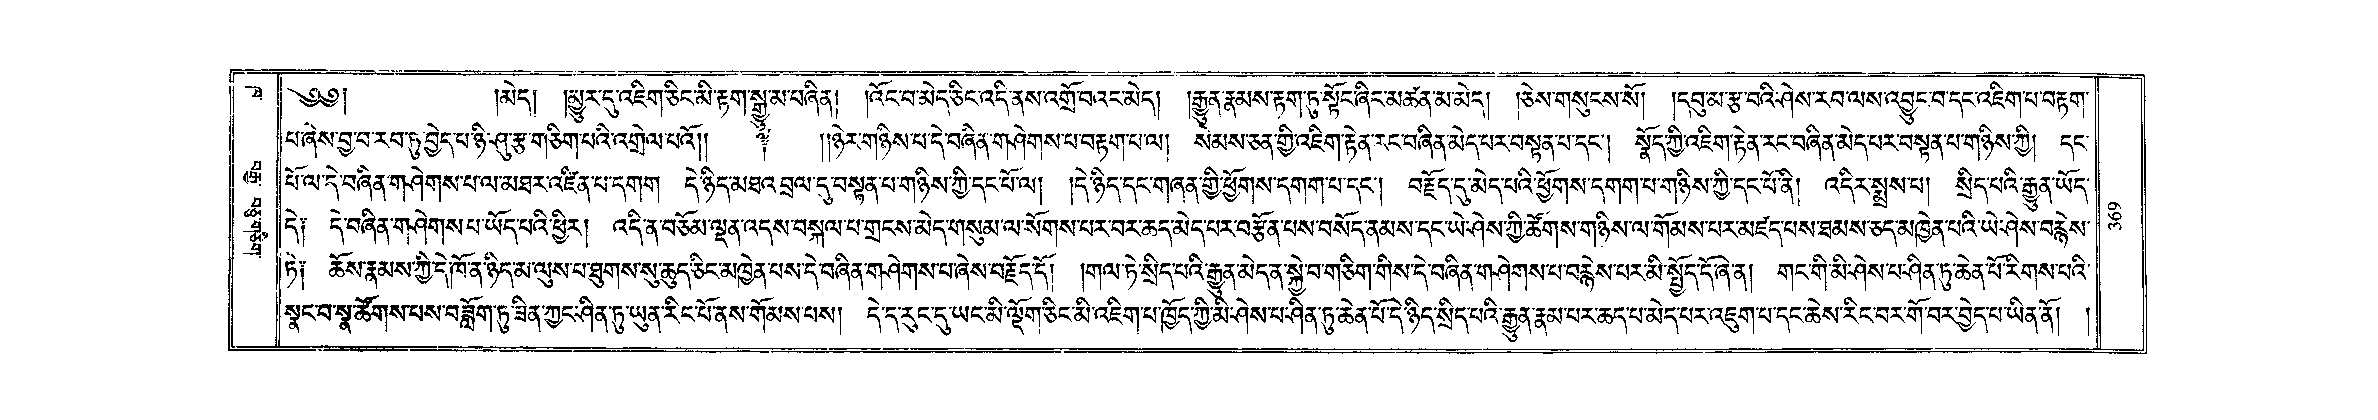༄༅། །མེད། །མྱུར་དུ་འཇིག་ཅིང་མི་རྟག་སྒྱུ་མ་བཞིན། །འོང་བ་མེད་ཅིང་འདི་ནས་འགྲོ་བའང་མེད། །རྒྱུན་རྣམས་རྟག་ཏུ་སྟོང་ཞིང་མཚན་མ་མེད། །ཅེས་གསུངས་སོ། །དབུ་མ་རྩ་བའི་ཤེས་རབ་ལས་འབྱུང་བ་དང་འཇིག་པ་བརྟག་
པ་ཞེས་བྱ་བ་རབ་ཏུ་བྱེད་པ་ཉི་ཤུ་རྩ་གཅིག་པའི་འགྲེལ་པའོ།། ༈ །།ཉེར་གཉིས་པ་དེ་བཞིན་གཤེགས་པ་བརྟག་པ་ལ། སེམས་ཅན་གྱི་འཇིག་རྟེན་རང་བཞིན་མེད་པར་བསྟན་པ་དང་། སྣོད་ཀྱི་འཇིག་རྟེན་རང་བཞིན་མེད་པར་བསྟན་པ་གཉིས་ཀྱི། དང་
པོ་ལ་དེ་བཞིན་གཤེགས་པ་ལ་མཐར་འཛིན་པ་དགག་དེ་ཉིད་མཐའ་བྲལ་དུ་བསྟན་པ་གཉིས་ཀྱི་དང་པོ་ལ། །དེ་ཉིད་དང་གཞན་གྱི་ཕྱོགས་དགག་པ་དང་། བརྗོད་དུ་མེད་པའི་ཕྱོགས་དགག་པ་གཉིས་ཀྱི་དང་པོ་ནི། འདིར་སྨྲས་པ། སྲིད་པའི་རྒྱུན་ཡོད་
དེ༑ དེ་བཞིན་གཤེགས་པ་ཡོད་པའི་ཕྱིར། འདི་ན་བཅོམ་ལྡན་འདས་བསྐལ་པ་གྲངས་མེད་གསུམ་ལ་སོགས་པར་བར་ཆད་མེད་པར་བརྩོན་པས་བསོད་ནམས་དང་ཡེ་ཤེས་ཀྱི་ཚོགས་གཉིས་ལ་གོམས་པར་མཛད་པས་ཐམས་ཅད་མཁྱེན་པའི་ཡེ་ཤེས་བརྙེས་
ཏེ༑ ཆོས་རྣམས་ཀྱི་དེ་ཁོ་ན་ཉིད་མ་ལུས་པ་ཐུགས་སུ་ཆུད་ཅིང་མཁྱེན་པས་དེ་བཞིན་གཤེགས་པ་ཞེས་བརྗོད་དོ། །གལ་ཏེ་སྲིད་པའི་རྒྱུན་མེད་ན་སྐྱེ་བ་གཅིག་གིས་དེ་བཞིན་གཤེགས་པ་བརྙེས་པར་མི་སྤྱོད་དོ་ཞེ་ན། གང་གི་མི་ཤེས་པ་ཤིན་ཏུ་ཆེན་པོ་རིགས་པའི་
སྣང་བ་སྣ་ཚོགས་པས་བཟློག་ཏུ་ཟིན་ཀྱང་ཤིན་ཏུ་ཡུན་རིང་པོ་ནས་གོམས་པས། དེ་ད་རུང་དུ་ཡང་མི་ལྡོག་ཅིང་མི་འཇིག་པ་ཁྱོད་ཀྱི་མི་ཤེས་པ་ཤིན་ཏུ་ཆེན་པོ་དེ་ཉིད་སྲིད་པའི་རྒྱུན་རྣམ་པར་ཆད་པ་མེད་པར་འཇུག་པ་དང་ཆེས་རིང་བར་གོ་བར་བྱེད་པ་ཡིན་ནོ། །